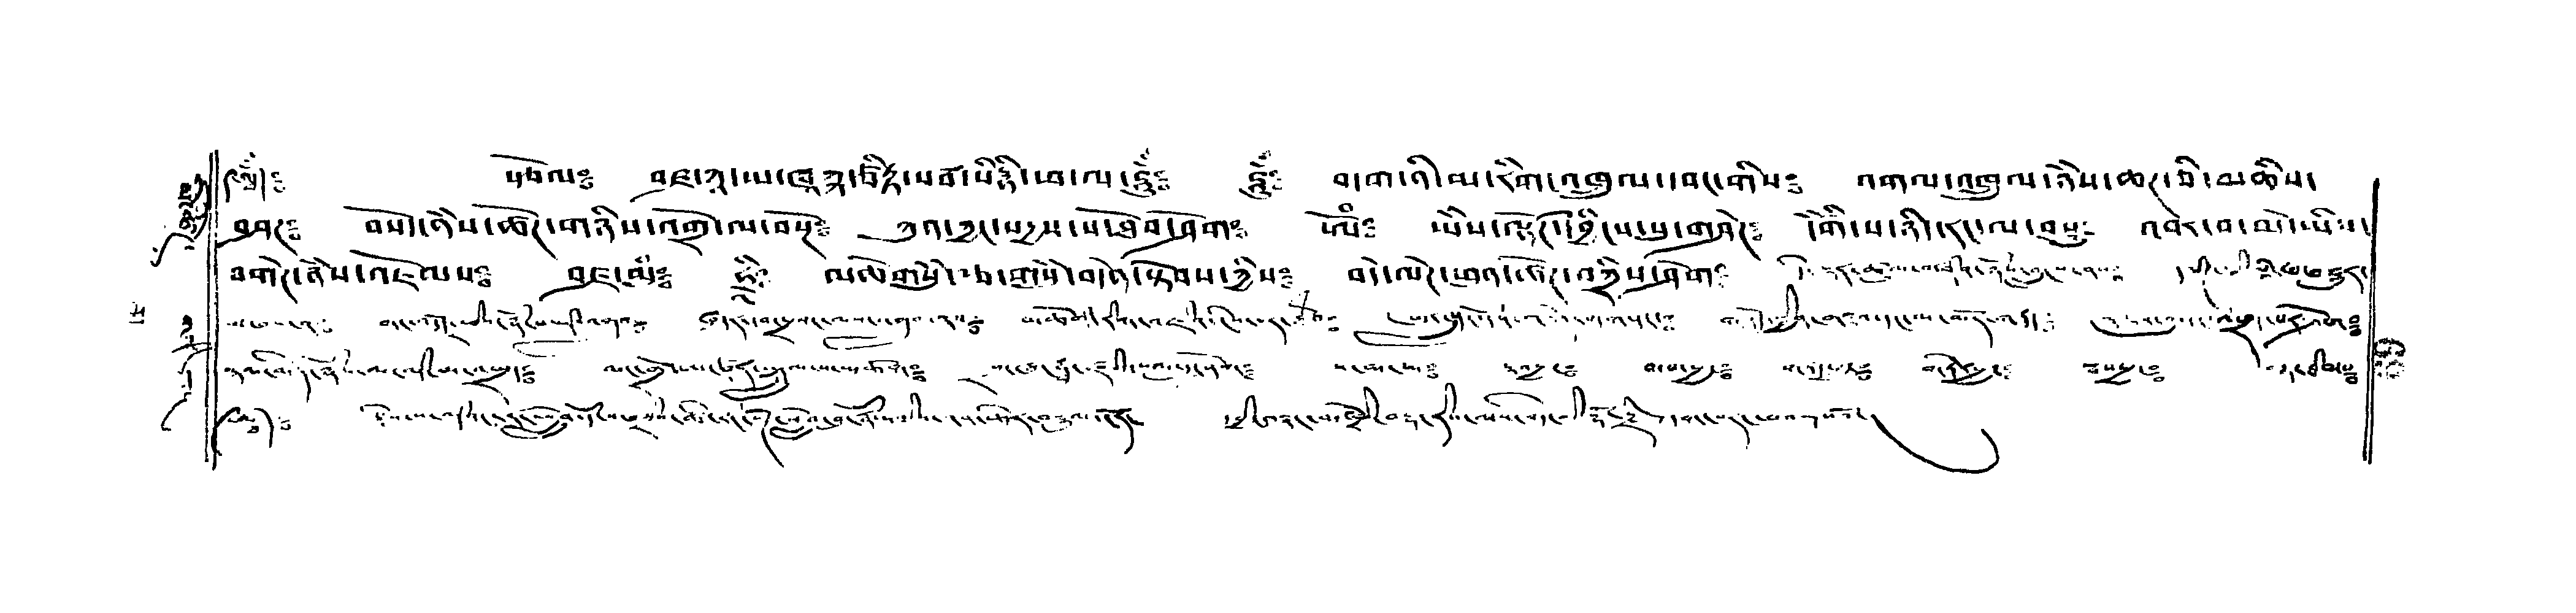སྩོལ༔ བཛྲ་ཀཱ་ཡ་ཝཀྐ་ཙིཏྟ་སརྦ་སིདྡྷི་ཕ་ལ་ཧཱུྃ༔ ཧཱུྃ༔ བདག་ནི་མ་རིག་འཁྲུལ་དབང་གིས༔ འགལ་འཁྲུལ་ཉམས་ཆགས་ཅི་མཆིས་
བཤགས༔ བསོད་ནམས་ཚོགས་གཉིས་འགྲོ་ལ་བསྔོ༔ ཀུན་ཀྱང་སངས་རྒྱས་ས་ཐོབ་ཤོག༔ ཨོཾ༔ ཡེ་ཤེས་ལྷ་ཚོགས་དབྱིངས་སུ་གཤེགས༔ དམ་ཚིག་པ་ཉིད་རང་ལ་བསྡུ༔ འབར་བ་མེ་ཡིས་
བགེགས་རྣམས་འཇོམས༔ བཛྲ་མུཾ༔ ཧྲཱིཿ མཆོག་གསུམ་རྩ་གསུམ་བདེན་སྟོབས་ཀྱིས༔ བདེ་ལེགས་ཕུན་ཚོགས་བཀྲ་ཤིས་ཤོག༔ དེ་ལྟར་ཚུལ་བཞིན་ཉམས་བླངས་ནས༔ དམིགས་ཀྱི་ལྡེ་ཁ་བསྒྱུར་
མཁས་ན༔ གང་འདོད་ཕྲིན་ལས་རྣམ་པ་བཞི་འགྲུབ༔ ཁྱད་པར་དབང་དྲག་ལས་འགྲུབ་ནས༔ མཆོག་གི་རིག་འཛིན་ངེས་པར་ཐོབ༔ ཕུར་སྲུང་དམ་ཅན་གཏེར་བདག་དང༔ གནོད་སྦྱིན་གཟའ་དང་མ་མོར་གཏད༔ སྐལ་ལྡན་བུ་དང་འཕྲད་པར་ཤོག༔ 
སྐལ་མེད་རྣམས་ལ་འདི་མ་འཕྲད༔ ལང་གྲོ་ཨ་ཙཱར་སྤྲུལ་པ་མཆོག༔ པྲ་ཛྙ་དྷྭ་ཛའི་དཔལ་དུ་ཤོག༔ ས་མ་ཡ༔ ཟབ་རྒྱ༔ གསང་རྒྱ༔ གཏད་རྒྱ༔ གཏེར་རྒྱ༔ སྦས་རྒྱ༔ བརྡ་ཐིམ༔ ༔ 
ཅེས་པ་འདིའང་རང་སློབ་དམ་པ་བཀྲ་ཤིས་ཆེ་རིང་སོགས་སློབ་བུ་རྣམས་ཀྱིས་ནན་ཆེར་བསྐུལ་ངོར། དབྱིངས་སྣང་མཁའ་འགྲོའི་བརྡ་རིས་ལས་བདེ་བའི་རྡོ་རྗེས་དག་པར་ཕབས་པའོ།།